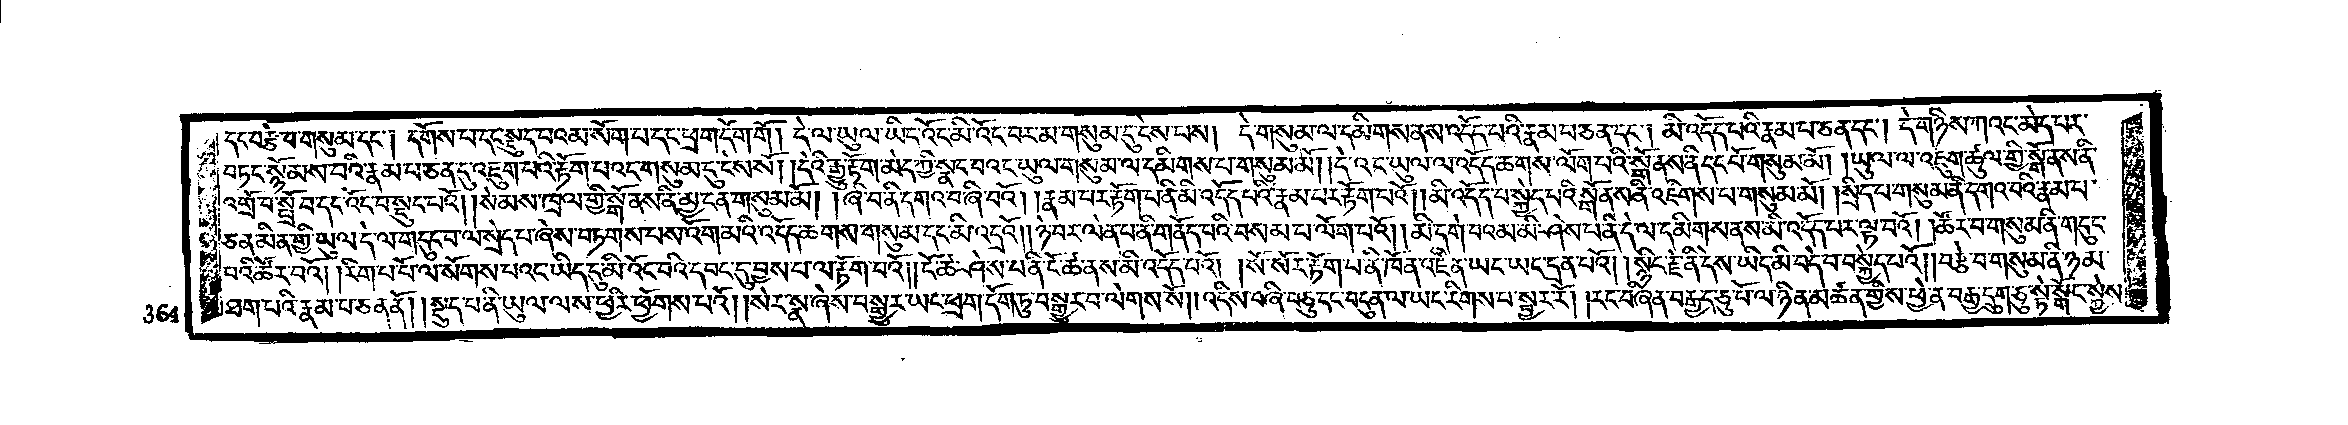དང་བརྩེ་བ་གསུམ་དང་། དགོས་པ་དང་སྡུད་པའམ་སོག་པ་དང་ཕྲག་དོག་གོ །དེ་ལ་ཡུལ་ཡིད་འོང་མི་འོང་བར་མ་གསུམ་དུ་ངེས་པས། དེ་གསུམ་ལ་དམིགས་ནས་འདོད་པའི་རྣམ་པ་ཅན་དང་། མི་འདོད་པའི་རྣམ་པ་ཅན་དང་། དེ་གཉིས་ཀའང་མེད་པར་
བཏང་སྙོམས་པའི་རྣམ་པ་ཅན་དུ་འཇུག་པའི་རྟོག་པའང་གསུམ་དུ་ངེས་སོ། །དེའི་རྒྱུ་རྟོག་མེད་ཀྱི་སྣང་བའང་ཡུལ་གསུམ་ལ་དམིགས་པ་གསུམ་མོ། །དེ་འང་ཡུལ་ལ་འདོད་ཆགས་ལོག་པའི་སྒོ་ནས་ནི་དང་པོ་གསུམ་མོ། །ཡུལ་ལ་འཇུག་ཚུལ་གྱི་སྒོ་ནས་ནི་
འགྲོ་བ་སྤྲོ་བ་དང་འོང་བ་སྡུད་པའོ། །སེམས་ཁྲལ་གྱི་སྒོ་ནས་ནི་མྱ་ངན་གསུམ་མོ། །ཞི་བ་ནི་དགའ་བ་ཞི་བའོ། །རྣམ་པར་རྟོག་པ་ནི་མི་འདོད་པའི་རྣམ་པར་རྟོག་པའོ། །མི་འདོད་པ་སྐྱེད་པའི་སྒོ་ནས་ནི་འཇིགས་པ་གསུམ་མོ། །སྲེད་པ་གསུམ་ནི་དགའ་བའི་རྣམ་པ་
ཅན་མིན་གྱི་ཡུལ་དེ་ལ་གདུང་བ་ལ་སྲེད་པ་ཞེས་བཏགས་པས་འོག་མའི་འདོད་ཆགས་གསུམ་དང་མི་འདྲའོ། །ཉེ་བར་ལེན་པ་ནི་གནོད་པའི་བསམ་པ་ལོག་པའོ། །མི་དགེ་བའམ་མི་ཤེས་པ་ནི་དེ་ལ་དམིགས་ནས་མི་འདོད་པར་ལྟ་བའོ། །ཚོར་བ་གསུམ་ནི་གདུང་
པའི་ཚོར་བའོ། །རིག་པ་པོ་ལ་སོགས་པའང་ཡིད་དུ་མི་འོང་བའི་དབང་དུ་བྱས་པ་ལ་རྟོག་པའོ། །ངོ་ཚ་ཤེས་པ་ནི་ངོ་ཚ་ནས་མི་འདོད་པའོ། །སོ་སོར་རྟོག་པ་ནི་ཁོན་འཛིན་ཡང་ཡང་དྲན་པའོ། །སྙིང་རྗེ་ནི་དེས་ཡིད་མི་བདེ་བ་བསྐྱེད་པའོ། །བརྩེ་བ་གསུམ་ནི་ཉམ་
ཐག་པའི་རྣམ་པ་ཅན་ནོ། །སྡུད་པ་ནི་ཡུལ་ལས་ཕྱིར་ཕྱོགས་པའོ། །སེར་སྣ་ཞེས་བསྒྱུར་ཡང་ཕྲག་དོག་ཏུ་བསྒྱུར་བ་ལེགས་སོ། །འདིས་བཞི་བཅུ་དང་བདུན་ལ་ཡང་རིགས་པ་སྦྱར་རོ། །རང་བཞིན་བརྒྱད་ཅུ་པོ་ལ་ཉིན་མཚན་གྱིས་ཕྱེ་ན་བརྒྱ་དྲུག་ཅུ་སྟེ་སྒོང་སྐྱེས་